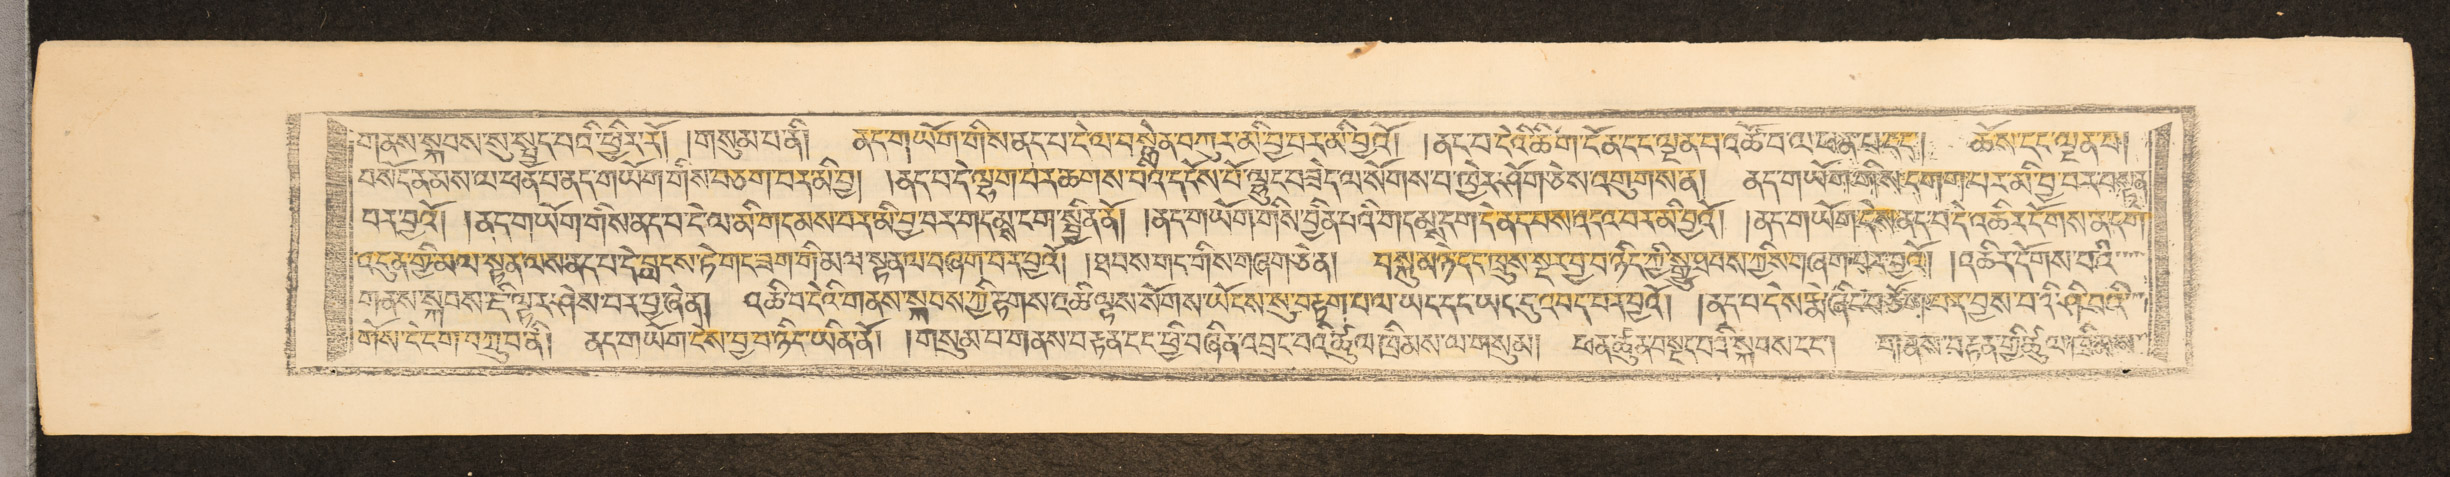གནས་སྐབས་སུ་སྤྱད་པའི་ཕྱིར་རོ། །གསུམ་པ་ནི། ནད་གཡོག་གིས་ནད་པ་དེ་ལ་བསྙེན་བཀུར་མི་བྱ་བར་མི་བྱའོ། །ནད་པ་དེའི་ཚིག་དོན་དང་ལྡན་པ་འཚོ་བ་ལ་ཕན་པ་དང་། ཆོས་དང་ལྡན་པ།
བསོད་ནམས་ལ་ཕན་པ་ནད་གཡོག་གིས་བཅག་པར་མི་བྱ། ནད་པ་དེ་ལྷག་པར་ཆགས་པའི་དངོས་པོ་ལྷུང་བཟེད་ལ་སོགས་པ་ཁྱེར་ཤོག་ཅེས་འགུགས་ན། ནད་གཡོག་གིས་དགག་པར་མི་བྱ་བར་བསྟན་
པར་བྱའོ། །ནད་གཡོག་གིས་ནད་པ་དེ་ལ་མི་གདམས་པར་མི་བྱ་བར་གདམས་ངག་སྦྱིན་ནོ། །ནད་གཡོག་གིས་བྱིན་པའི་གདམས་ངག་དེ་ནད་པས་འདའ་བར་མི་བྱའོ། །ནད་གཡོག་དེས་ནད་པ་དེ་འཆིར་དོགས་ན་དགེ་
འདུན་གྱི་མལ་སྟན་ལས་ནད་པ་དེ་བླངས་ཏེ་གང་ཟག་གི་མལ་སྟན་ལ་བཞག་པར་བྱའོ། །ཐབས་གང་གིས་གཞག་ཅེ་ན། བསྐུ་མཉེ་དང་ཁྲུས་སྔར་བྱ་བ་ཉིད་ཀྱི་སྒྱུ་ཐབས་ཀྱིས་གཞག་པར་བྱའོ། །འཆིར་དོགས་པའི་
གནས་སྐབས་ཇི་ལྟར་ཤེས་པར་བྱ་ཞེ་ན། འཆི་བ་དེའི་གནས་སྐབས་ཀྱི་རྟགས་འཆི་ལྟས་སོགས་ཡོངས་སུ་བརྟག་པ་ལ་ཡང་དང་ཡང་དུ་འབད་པར་བྱའོ། །ནད་པ་དེས་རྨེ་ཞིང་བཙོག་པར་བྱས་པའི་ཤི་བའི་
གོས་དེ་དག་བཀྲུ་བ་ནི། ནད་གཡོག་དེས་བྱ་བ་ཉིད་ཡིན་ནོ། །གསུམ་པ་གནས་བརྟན་དང་ཕྱི་བཞིན་འབྲང་བའི་ཚུལ་ཁྲིམས་ལ་གསུམ། ཕན་ཚུན་བསྡད་པའི་སྐབས་དང་། གནས་བརྟན་གྱི་ཚུལ་ཁྲིམས་